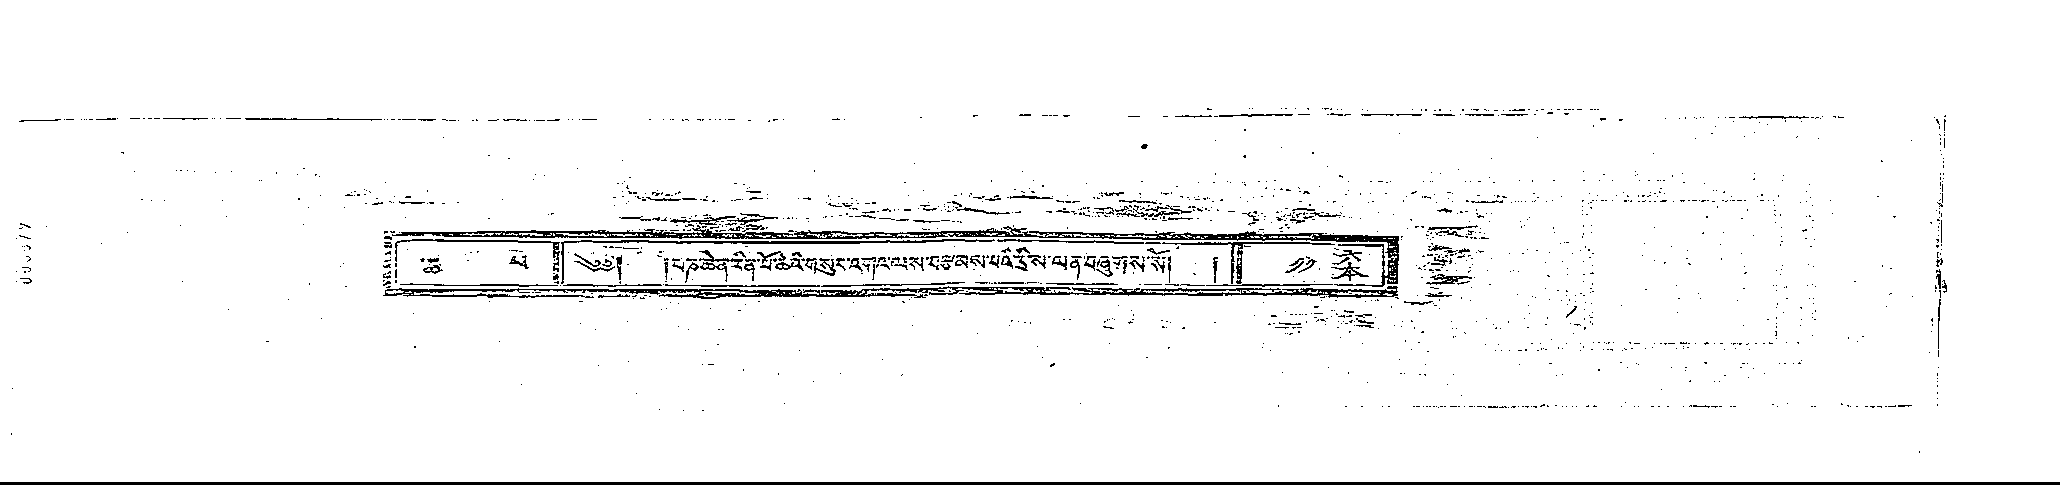ཏ ༦?
ཆ ༥་༄༅། །པཎ་ཆེན་རིན་པོ་ཆེའི་གསུང་འགའ་ལས་བརྩམས་པའི་དྲིས་ལན་བཞུགས་སོ། །༡༡